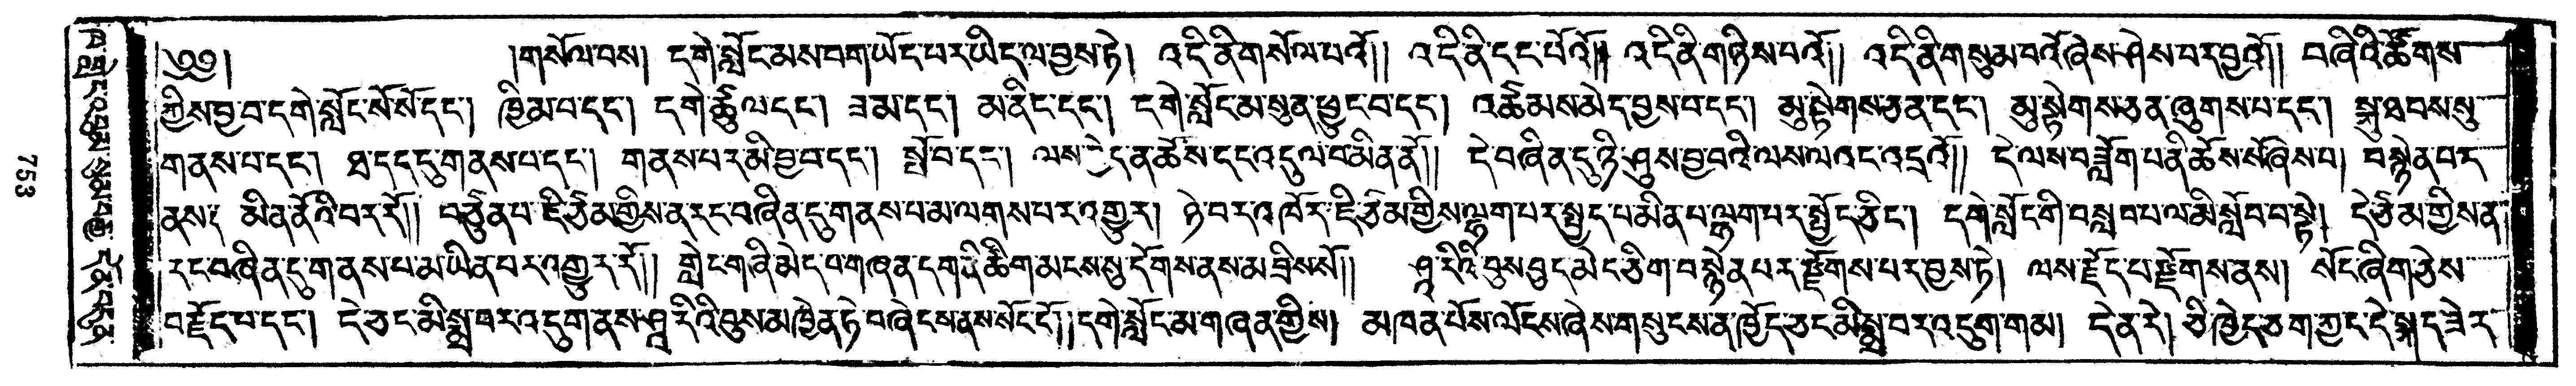༄༅། །གསོལ་བས། དགེ་སློང་མས་བག་ཡོང་པར་ཡིད་ལ་བྱས་ཏེ། འདི་ནི་གསོལ་པའོ།། འདི་ནི་དང་པོའོ།། འདི་ནི་གཉིས་པའོ།། འདི་ནི་གསུམ་བའོ་ཞེས་ཤེས་པར་བྱའོ།། བཞིའི་ཚོགས་
ཀྱིས་བྱ་བ་དགེ་སློང་སོ་སོ་དང་། ཁྱིམ་པ་དང་། དགེ་ཚུལ་དང་། ཟ་མ་དང་། མ་ནིང་དང་། དགེ་སློང་མ་སུན་ཕྱུང་བ་དང་། འཚམས་མེད་བྱས་པ་དང་། མུ་སྟེགས་ཅན་དང་། མུ་སྟེགས་ཅན་ཞུགས་པ་དང་། སྐུ་ཐབས་སུ་
གནས་པ་དང་། ཐ་དད་དུ་གནས་པ་དང་། གནས་པར་མི་བྱ་བ་དང་། སྤོ་བ་དང་། ལས་བྱེད་ན་ཆོས་དང་འདུལ་བ་མིན་ནོ།། དེ་བཞིན་དུ་ཉི་ཤུས་བྱ་བའི་ལས་ལའང་འདྲའོ།། དེ་ལས་བཟློག་པ་ནི་ཆོས་སོ་ཞེས་པ། བསྙེན་པར་
ནས༑ མིན་ནོའི་བར་རོ།། བཙུན་པ་ཇི་ཙམ་གྱིས་ན་རང་བཞིན་དུ་གནས་པ་མ་ལགས་པར་འགྱུར། ཉེ་བར་འཁོར༑ ཇི་ཙམ་གྱིས་ལྷག་པར་སྤྱད་པ་མིན་པ་ལྷག་པར་སྤྱོད་ཅིང་། དགེ་སློང་གི་བསླབ་པ་ལ་མི་སློབ་པ་སྟེ། དེ་ཙམ་གྱིས་ན་
རང་བཞིན་དུ་གནས་པ་མ་ཡིན་པར་འགྱུར་རོ།། གླེང་གཞི་མེད་པ་གཞན་དག་ནི་ཚིག་མངས་སུ་དོགས་ནས་མ་བྲིས་སོ།། ཤཱ་རིའི་བུས་བུད་མེད་ཅིག་བསྙེན་པར་རྫོགས་པར་བྱས་ཏེ། ལས་རྗོད་པ་རྫོགས་ནས། སོང་ཞིག་ཅེས་
བརྗོད་པ་དང་། དེ་ཅང་མི་སྨྲ་བར་འདུག་ནས་ཤཱ་རིའི་བུས་མཁྱེན་ཏེ་བཞེངས་ནས་སོང་ངོ། །དགེ་སློང་མ་གཞན་གྱིས། མཁན་པོས་ལོངས་ཞེས་གསུངས་ན་ཁྱོད་ཅང་མི་སྨྲ་བར་འདུག་གམ། དེ་ན་རེ། ཅི་ཁྱེད་ཅག་ཀྱང་དེ་སྐད་ཟེར་